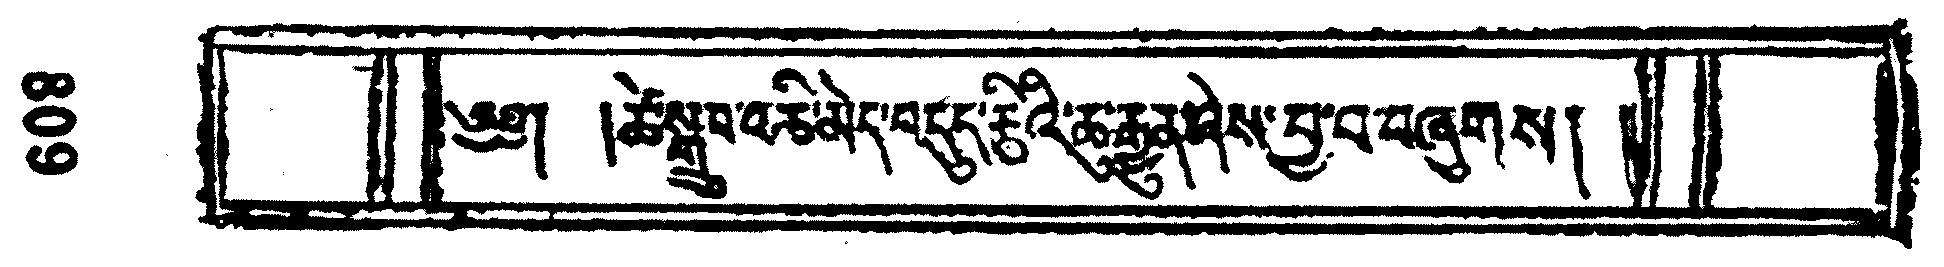༄༅། །ཚེ་སྒྲུབ་འཆི་མེད་བདུད་རྩིའི་ཆུ་རྒྱུན་ཞེས་བྱ་བ་བཞུགས། །